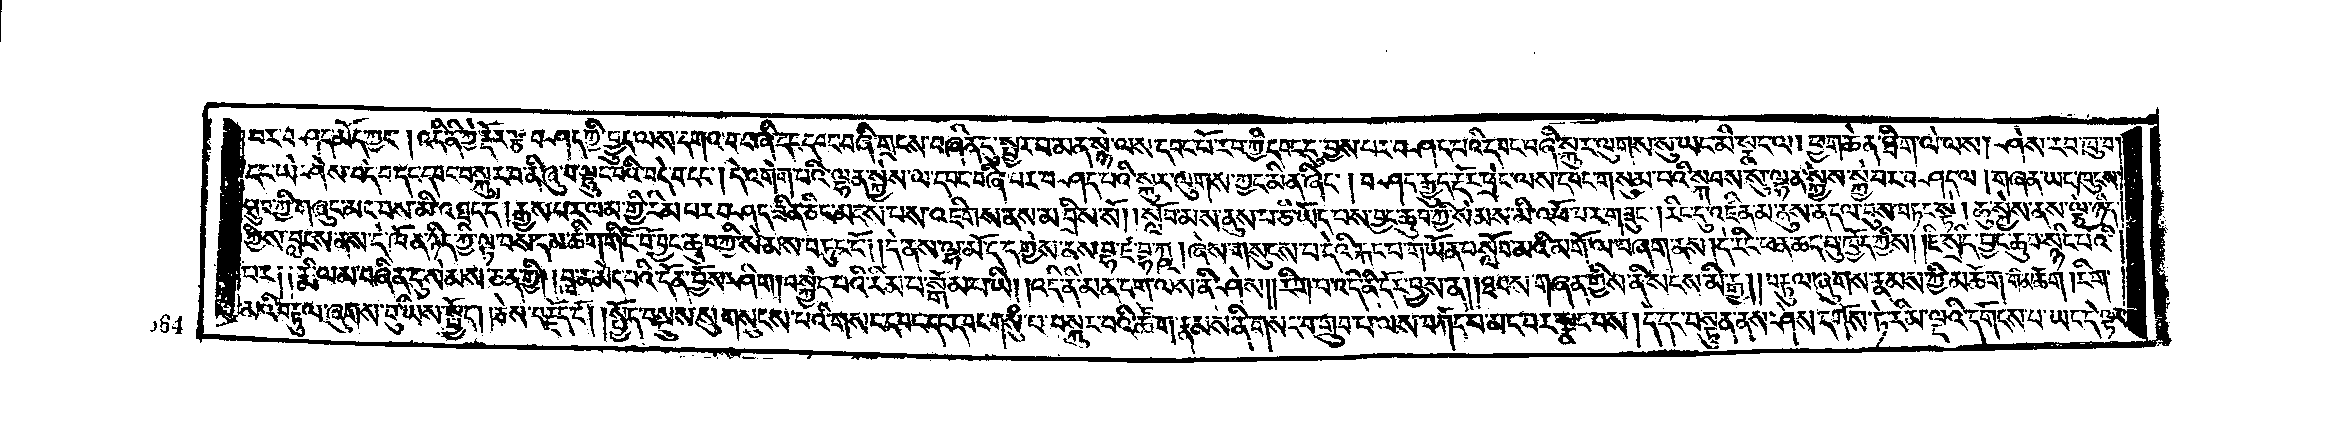བར་བཤད་མོད་ཀྱང་། འདི་ནི་ཀྱེ་རྡོར་རྩ་བཤད་ཀྱི་རྒྱུད་ལས་དགའ་བ་བཞི་དང་དབང་བཞི་གྲངས་བཞིན་དུ་སྦྱར་བ་མན་སྙེ་ལས་དབང་པོ་རབ་ཀྱི་དབང་དུ་བྱས་པར་བཤད་པའི་དབང་བཞི་སྐུར་ལུགས་སུ་ཡང་མི་སྣང་ལ། ཕྱག་ཆེན་ཐིག་ལེ་ལས། ཤེས་རབ་ཁུ་བ་
དང་ཡེ་ཤེས་བདེ་བ་དང་དབང་བསྐུར་བ་ནི་ཞུ་བ་ལྷུང་བའི་བདེ་བ་དང་། དེ་འགོག་པའི་ལྷན་སྐྱེས་ལ་དབང་བཞི་པར་བཤད་པའི་སྐུར་ལུགས་ཀྱང་མི་ཞིང་། བཤད་རྒྱུད་རྡོར་ཕྲེང་ལས་དབང་གསུམ་པའི་སྐབས་སུ་ལྷན་སྐྱེས་སྐྱེ་བར་བཤད་ལ། གཞན་ཡང་ཁུངས་
ཐུབ་ཀྱི་གཞུང་མང་བས་མི་འཐད་དེ། རྒྱས་པར་ལམ་གྱི་རིམ་པར་བཤད་ཟིན་ཅིང་མངས་པས་འཇིགས་ནས་མ་བྲིས་སོ། །སློབ་མས་ནུས་པ་ཅི་ཡོད་པས་བྱང་ཆུབ་ཀྱི་སེམས་མི་འཕོ་བར་གཟུང་། རིང་དུ་འཛིན་མ་ནུས་ན་དལ་བུས་བཏང་སྟེ། ཆུ་སྐྱེས་ནས་ལྕེ་ཉིད་
ཀྱིས་བླངས་ནས་དེ་ཁོ་ན་ཉིད་ཀྱི་ལྟ་བས་དམ་ཚིག་གི་ངོ་བོ་བྱང་ཆུབ་ཀྱི་སེམས་བཏུང་ངོ། །དེ་ནས་ལྷ་མོ་དེ་དགྱེས་ནས་བྷ་ཛ་བྷ་ཀྵ། ཞེས་གསུངས་པ་དེའི་རྐང་པ་གཡོན་པ་སློབ་མའི་མགོ་ལ་བཞག་ནས། དེ་རིང་ཕན་ཆད་བུ་ཁྱོད་ཀྱིས། །ཇི་སྲིད་བྱང་ཆུབ་སྙིང་པོའི་
པར། །རྨི་ལམ་བཞིན་དུ་སེམས་ཅན་གྱི། །བླ་ན་མེད་པའི་དོན་བྱོས་ཤིག །བསྐྱེད་པའི་རིམ་པ་སྒོམ་པ་ཡི། །འདི་ནི་མན་ངག་ལས་ནི་ཤེས། །རིག་པ་འདི་ནི་དོར་བྱས་ན། །ཐབས་གཞན་གྱིས་ནི་སངས་མི་རྒྱ། །བརྟུལ་ཞུགས་རྣམས་ཀྱི་མཆོག་གི་མཆོག །རིག་
མའི་བརྟུལ་ཞུགས་བུ་ཡིས་སྤྱོད། །ཅེས་བརྗོད་དོ། །སྤྱོད་བསྡུས་སུ་གསུངས་པའི་གསང་དབང་དང་དབང་གསུམ་པ་བསྐུར་བའི་ཚིག་རྣམས་ནི་གསང་བ་གྲུབ་པ་ལས་བཀོད་པ་མང་བར་སྣང་བས། དེ་དང་བསྟུན་ནས་ཤེས་དགོས་ཏེ་རིམ་ལྔའི་དགོངས་པ་ཡང་དེ་ལྟར་